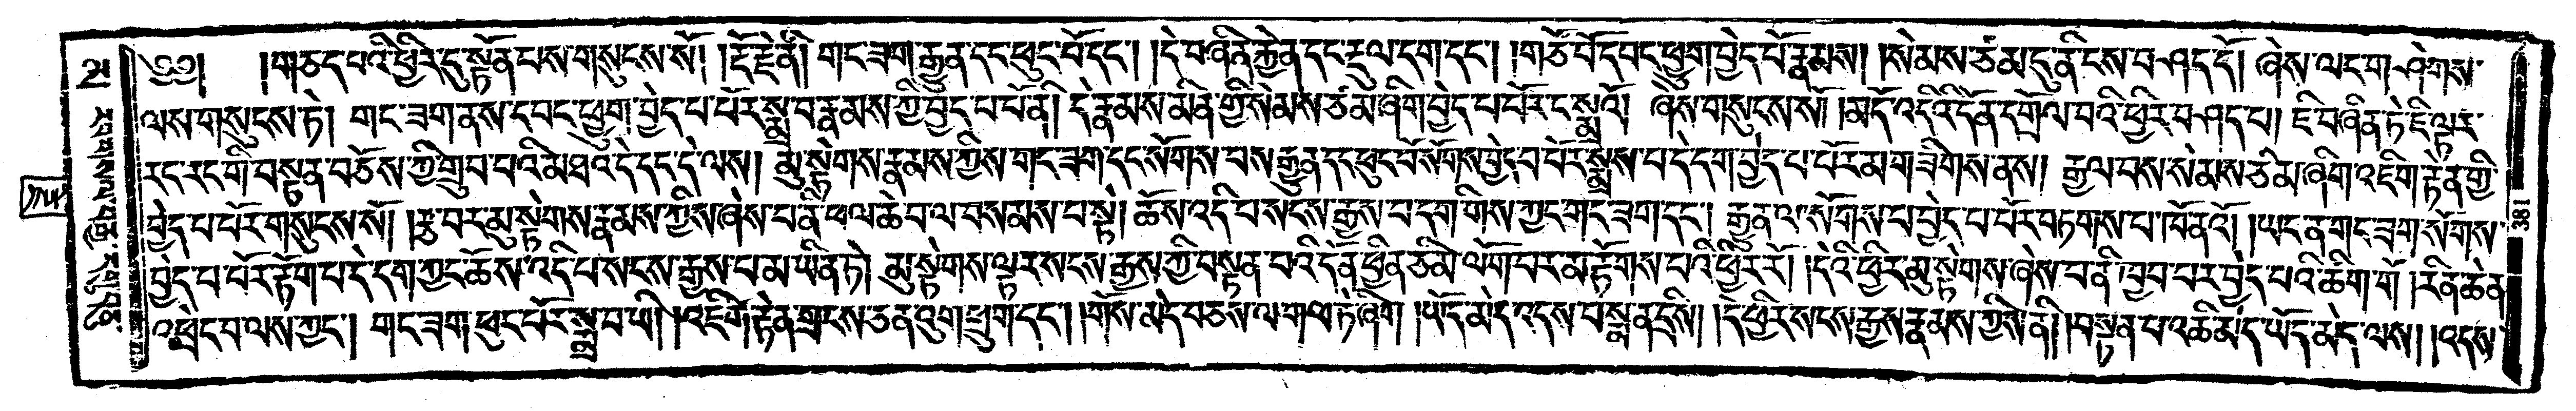༄༅། །གཅད་པའི་ཕྱིར་དུ་སྟོན་པས་གསུངས་སོ། །རྡོ་རྗེ་ནི། གང་ཟག་རྒྱུན་དང་ཕུང་པོ་དང་། དེ་བཞིན་རྐྱེན་དང་རྡུལ་དག་དང་། །གཙོ་བོ་དབང་ཕྱུག་བྱེད་པོ་རྣམས། །སེམས་ཙམ་དུ་ནི་ངས་བཤད་དོ། ཞེས་ལང་གཤེགས་
ལས་གསུངས་ཏེ། གང་ཟག་ནས་དབང་ཕྱུག་བྱེད་པ་པོར་སྨྲ་བ་རྣམས་ཀྱི་བྱེད་པ་པོ་ནི། དེ་རྣམས་མིན་གྱི་སེམས་ཙམ་ཞིག་བྱེད་པ་པོར་ང་སྨྲའོ། ཞེས་གསུངས་སོ། །མདོ་འདིའི་དོན་དགྲོལ་བའི་ཕྱིར་བཤད་པ། ཇི་བཞིན་ཏེ་ཇི་ལྟར་
རང་རང་གི་བསྟན་བཅོས་ཀྱི་གྲུབ་པའི་མཐའ་དེ་དང་དེ་ལས། མུ་སྟེགས་རྣམས་ཀྱིས་གང་ཟག་དང་སོགས་པས་རྒྱུན་དང་ཕུང་པོ་སོགས་བྱེད་པ་པོར་སྨྲས་པ་དེ་དག་བྱེད་པ་པོར་མ་གཟིགས་ནས། རྒྱལ་བས་སེམས་ཙམ་ཞིག་འཇིག་རྟེན་གྱི་
བྱེད་པ་པོར་གསུངས་སོ། །རྩ་བར་མུ་སྟེགས་རྣམས་ཀྱིས་ཞེས་པ་ནི་ཕལ་ཆེ་བ་ལ་བསམས་པ་སྟེ། ཆོས་འདི་པ་སངས་རྒྱས་པ་དག་གིས་ཀྱང་གང་ཟག་དང་། རྒྱུན་ལ་སོགས་པ་བྱེད་པ་པོར་བཏགས་པ་ཁོ་ནའོ། །ཡང་ན་གང་ཟག་སོགས་
བྱེད་པ་པོར་རྟོག་པ་དེ་དག་ཀྱང་ཆོས་འདི་པ་སངས་རྒྱས་པ་མ་ཡིན་ཏེ། མུ་སྟེགས་ལྟར་སངས་རྒྱས་ཀྱི་བསྟན་པའི་དོན་ཕྱིན་ཅི་མ་ལོག་པར་མ་རྟོགས་པའི་ཕྱིར་རོ། །དེའི་ཕྱིར་མུ་སྟེགས་ཞེས་པ་ནི་ཁྱབ་པར་བྱེད་པའི་ཚིག་གོ །རིན་ཆེན་
འཕྲེང་བ་ལས་ཀྱང་། གང་ཟག་ཕུང་པོར་སྨྲ་བ་ཡི། །འཇིག་རྟེན་གྲངས་ཅན་འུག་ཕྲུག་དང་། །གོས་མེད་བཅས་ལ་གལ་ཏེ་ཞིག །ཡོད་མེད་འདས་པ་སྨྲ་ན་དྲིས། །དེ་ཕྱིར་སངས་རྒྱས་རྣམས་ཀྱིས་ནི། །བསྟན་པ་འཆི་མེད་ཡོད་མེད་ལས། །འདས་